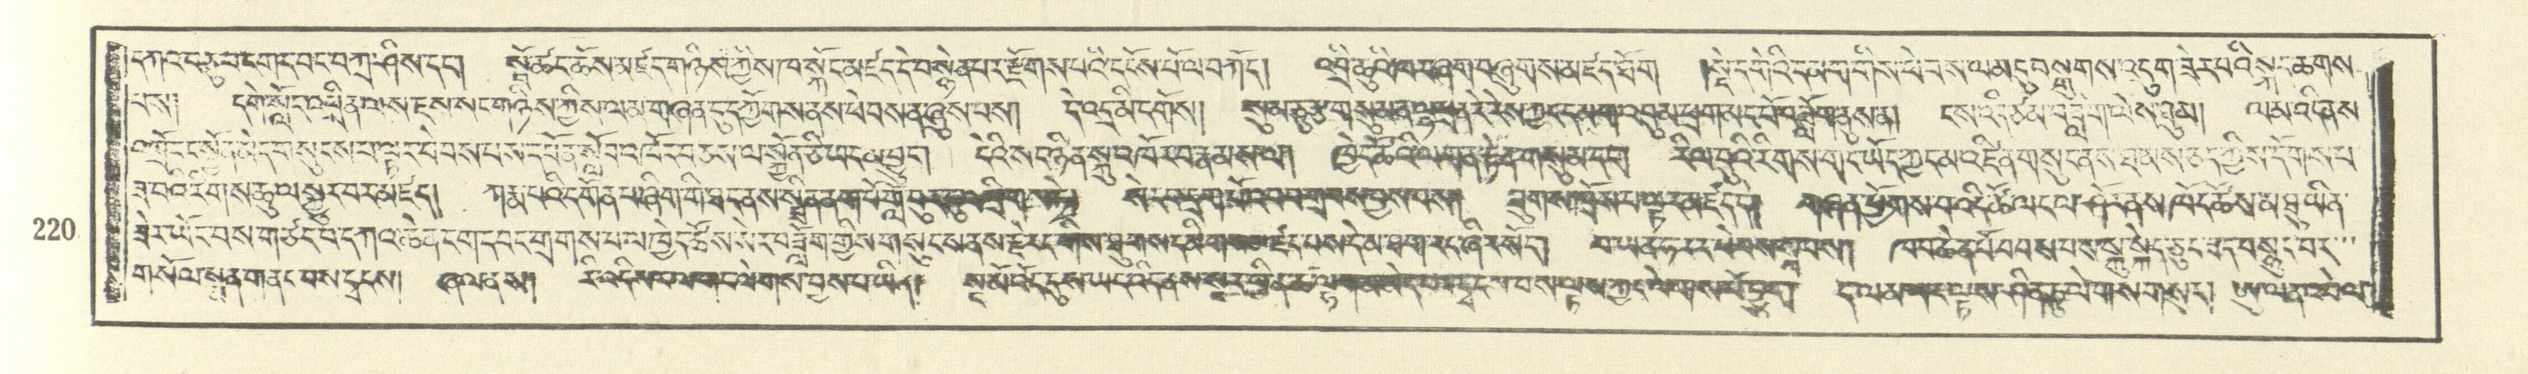དཀའ་བཅུ་པ་ངག་དབང་བཀྲ་ཤིས་དང་། སྤོ་ཚང་ཆོས་མཛད་གཉིས་ཀྱིས་ཁ་སྐོང་མཛད་དེ་བསྙེན་པར་རྫོགས་པའི་དངོས་པོ་ལ་བཀོད། འབྲི་ཆུའི་ཁར་ཞག་བཞུགས་མཛད་ཐོག །སྡེ་དགེའི་དམག་གིས་ཕེབས་ལམ་དུ་བསྒུགས་འདུག་ཟེར་བའི་སྐད་ཆ་གསན་
པས༑ དགེ་སློང་འཕྲིན་ལས་ཇས་སང་གཉིས་ཀྱིས་ལམ་གཞན་དུ་དཀྱོགས་ནས་ཕེབས་ན་ཞུས་པས། དེ་འདྲ་མི་དགོས། སུམ་ཅུ་རྩ་གསུམ་ན་ལྷ་ཕྲན་རེ་རེས་ཀྱང་དམག་འབུམ་ཕྲག་མང་པོ་བཟློག་ནུས་ན། ངས་འདི་ཙམ་བཟློག་ལོས་ཐུབ། ལམ་འདི་ནས་
འགྲོ་དང་སྐྱོན་མེད་གསུངས་པ་ལྟར་ཕེབས་པས་དཔོན་སློབ་འཁོར་བཅས་ལ་སྐྱོན་ཅི་ཡང་མ་བྱུང་། དེའི་སང་ཉིན་སྐུ་འཁོར་བ་རྣམས་ལ། ཁྱེད་ཚོའི་ལག་ན་རྟེན་གསུམ་དང་། རིལ་བུའི་རིགས་གང་ཡོད་ཀྱང་མ་འཛིན་གསུང་ནས་ཐམས་ཅད་ཀྱིས་དོགས་པ་
ཟ་བའི་རིགས་ཆུ་ལ་སྐྱུར་བར་མཛད། ཀརྨ་པའི་དགོན་པ་ཞིག་གི་ཐད་ནས་སྤྲིན་ནག་པོ་གློ་བུར་དུ་འཁྲིགས་ཏེ། སེར་བ་དྲག་པོ་འབབ་གྲབས་བྱས་པས། ཐུགས་ཁྲོས་པ་ལྟར་མཛད་དེ། གཞན་ཕྱོགས་པ་འདི་ཚོ་ལང་ལ་ཤོར་ནས་ཁོང་ཚོས་མཐུ་ཡིན་
ཟེར་ཡོང་བས་གཙང་བ་དཀའ་ཆེན་ངག་དབང་གྲགས་པ་ལ་ཁྱེད་ཚོས་སེར་བཟློག་གྱིས་གསུངས་ནས་རྗེ་རང་གིས་ཐུགས་དམིགས་མཛད་པས་དེ་མ་ཐག་རང་ཞིར་སོང་། བ་ཡན་ཧ་རར་ཕེབས་སྐབས། ཁ་བ་ཆེན་པོ་བབས་པས་སྐུ་སྐེད་ཅུང་ཟད་བསྙུང་བར་
གསོལ་སྨན་གནང་བས་དྭངས། ཞལ་ནས། རི་འདིས་ང་ལ་གང་ལེགས་བྱས་པ་ཡིན། སྔ་མོ་འོད་དུས་ཡང་འདི་ནས་སྔར་གྱི་ན་ཚ་ལྷག་མ་མེད་པར་དྭངས་པས་ལྟས་ཀྱང་ལེགས་པོ་བྱུང་། ད་ལམ་ཡང་ལྟས་ཤིན་ཏུ་ལེགས་གསུང་། ཨུ་ལན་འབེལ་